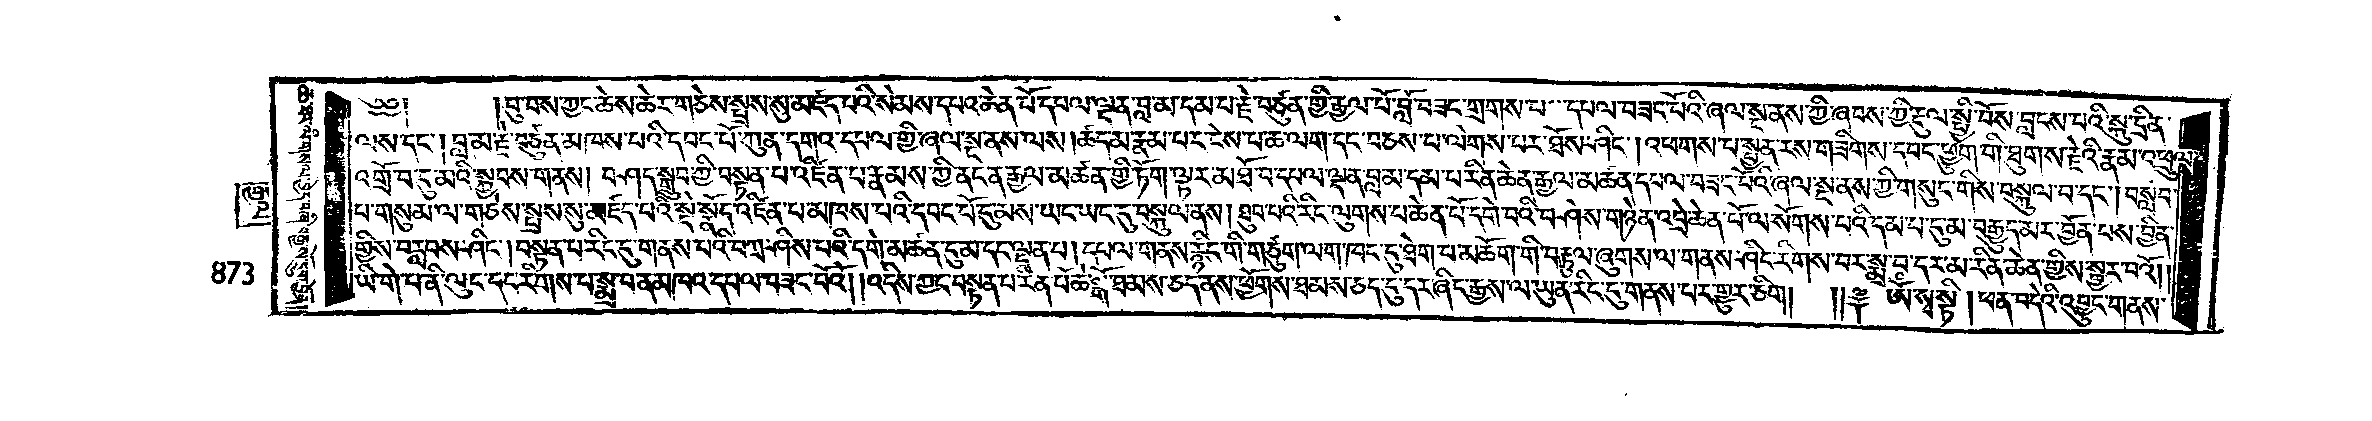༄༅། །བུ་བས་ཀྱང་ཆེས་ཆེར་གཅེས་སྤྲས་སུ་མཛད་པའི་སེམས་དཔའ་ཆེན་པོ་དཔལ་ལྡན་བླ་མ་དམ་པ་རྗེ་བཙུན་གྱི་རྒྱལ་པོ་བློ་བཟང་གྲགས་པ་དཔལ་བཟང་པོའི་ཞལ་སྔ་ནས་ཀྱི་ཞབས་ཀྱི་རྡུལ་སྤྱི་བོས་བླངས་པའི་སྐུ་དྲིན་
ལས་དང་། བླ་མ་རྗེ་བཙུན་མཁས་པའི་དབང་པོ་ཀུན་དགའ་དཔལ་གྱི་ཞལ་སྔ་ནས་ལས། ཚད་མ་རྣམ་པར་ངེས་པ་ཆ་ལག་དང་བཅས་པ་ལེགས་པར་ཐོས་ཤིང་། འཕགས་པ་སྤྱན་རས་གཟིགས་དབང་ཕྱུག་གི་ཐུགས་རྗེའི་རྣམ་འཕྲུལ་
འགྲོ་བ་དུ་མའི་སྐྱབས་གནས། བཤད་སྒྲུབ་ཀྱི་བསྟན་པ་འཛིན་པ་རྣམས་ཀྱི་ནང་ན་རྒྱལ་མཚན་གྱི་ཏོག་ལྟར་མཐོ་བ་དཔལ་ལྡན་བླ་མ་དམ་པ་རིན་ཆེན་རྒྱལ་མཚན་དཔལ་བཟང་པོའི་ཞལ་སྔ་ནས་ཀྱི་གསུང་གིས་བསྐུལ་བ་དང་། བསླབ་
པ་གསུམ་ལ་གཅེས་སྤྲས་སུ་མཛད་པའི་སྡེ་སྣོད་འཛིན་པ་མཁས་པའི་དབང་པོ་དུ་མས་ཡང་ཡང་དུ་བསྐུལ་ནས། ཐུབ་པའི་རིང་ལུགས་པ་ཆེན་པོ་དགེ་བའི་བཤེས་གཉེན་འབྲེ་ཆེན་པོ་ལ་སོགས་པའི་དམ་པ་དུ་མ་བརྒྱུད་མར་བྱོན་པས་བྱིན་
གྱིས་བརླབས་ཤིང་། བསྟན་པ་རིང་དུ་གནས་པའི་བཀྲ་ཤིས་པའི་དགེ་མཚན་དུ་མ་དང་ལྡན་པ། དཔལ་གནས་རྙིང་གི་གཙུག་ལག་ཁང་དུ་ཐེག་པ་མཆོག་གི་བརྟུལ་ཞུགས་ལ་གནས་ཤིང་རིགས་པར་སྨྲ་བ་དར་མ་རིན་ཆེན་གྱིས་སྦྱར་བའོ། །
ཡི་གེ་པ་ནི་ལུང་དང་རིགས་པ་སྨྲ་བ་ནམ་མཁའ་དཔལ་བཟང་པོའི། །འདིས་ཀྱང་བསྟན་པ་རིན་པོ་ཆེ་སྒོ་ཐམས་ཅད་ནས་ཕྱོགས་ཐམས་ཅད་དུ་དར་ཞིང་རྒྱས་ལ་ཡུན་རིང་དུ་གནས་པར་གྱུར་ཅིག། ། །།༈ ཨོཾ་སྭ་སྟི། ཕན་བདེའི་འབྱུང་གནས་